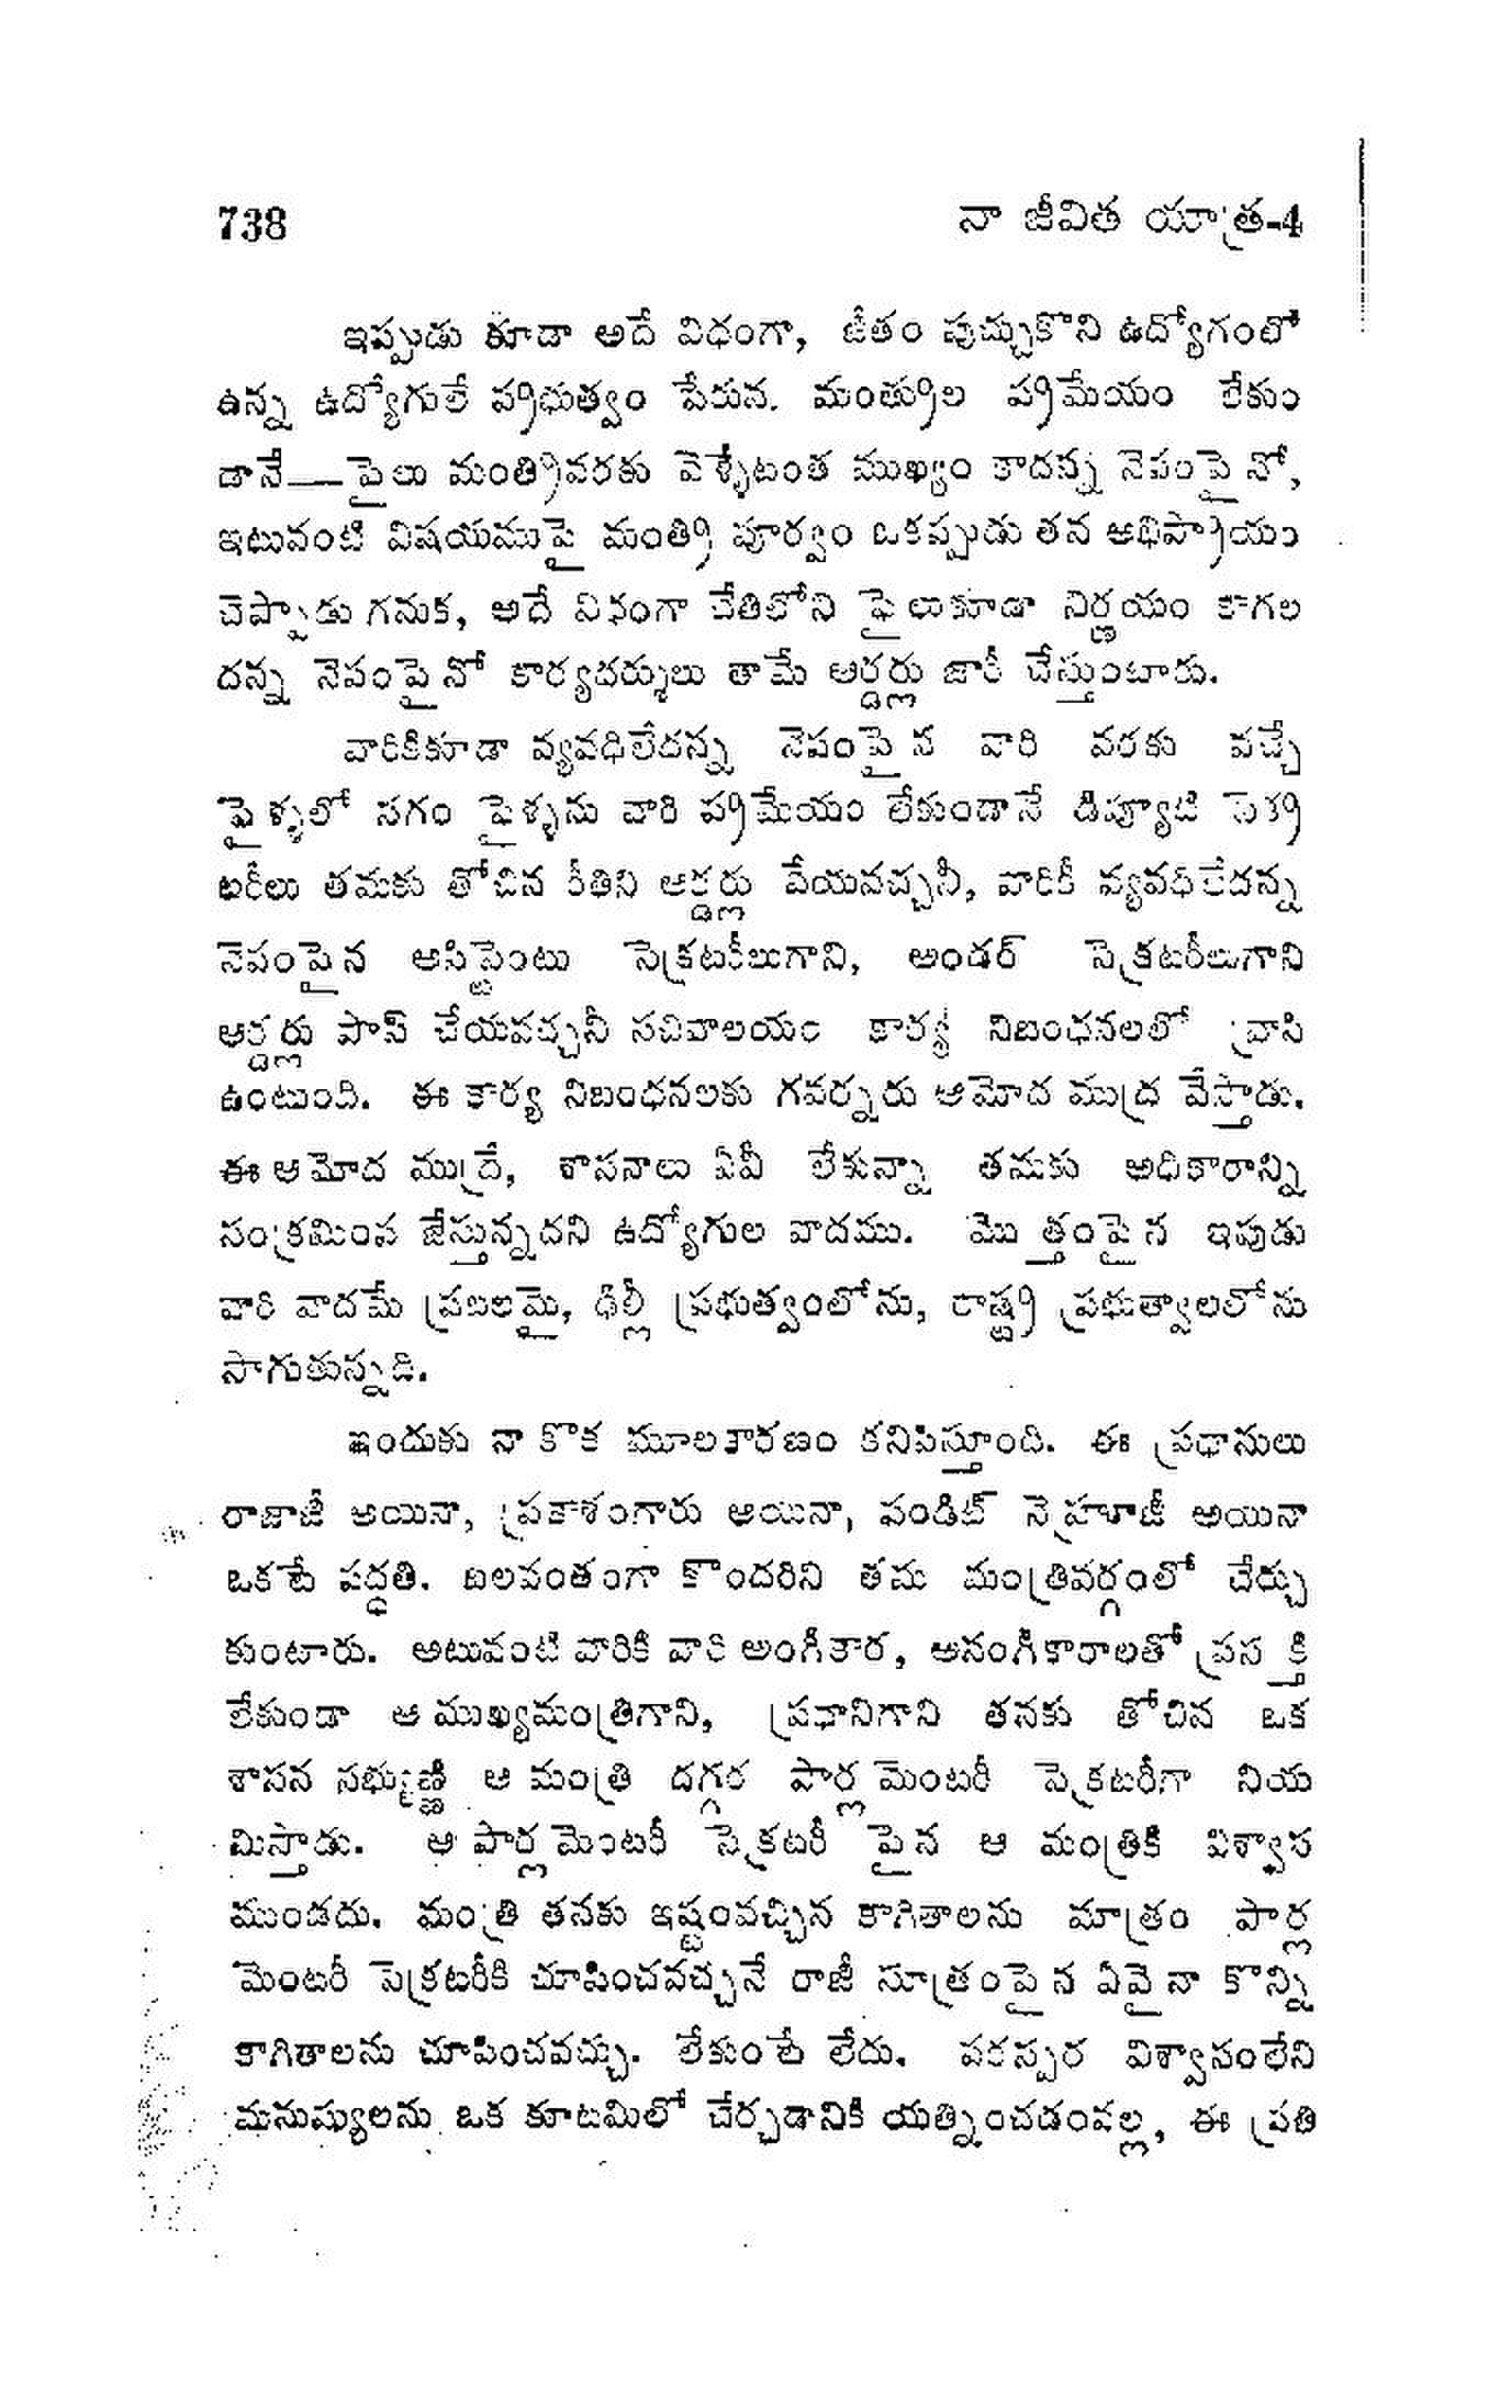ఇప్పుడు కూడా అదే విధంగా, జీతం పుచ్చుకొని ఉద్యోగంలో ఉన్న ఉద్యోగులే ప్రభుత్వం పేరున, మంత్రుల ప్రమేయం లేకుండానే - ఫైలు మంత్రివరకు వెళ్ళేటంత ముఖ్యం కాదన్న నెపంపైనో, ఇటువంటి విషయముపై మంత్రి పూర్వం ఒకప్పుడు తన అభిప్రాయం చెప్పాడు గనుక, అధే విధంగా చేతిలోని ఫైలుకూడా నిర్ణయం కాగలదన్న నెపంపైనో కార్యదర్శులు తామే ఆర్డర్లు జారీ చేస్తుంటారు.

వారికికూడా వ్యవధిలేదన్న నెపంపైన వారి వరకు వచ్చే ఫైళ్ళలో సగం ఫైళ్ళను వారి ప్రమేయం లేకుండానే డిప్యూటి సెక్రటరీలు తమకు తోచిన రీతిని ఆర్డర్లు వేయవచ్చనీ, వారికీ వ్యవధిలేదన్న నెపంపైన అసిస్టెంటు సెక్రటరీలుగాని, అండర్ సెక్రటరీలుగాని ఆర్డర్లు పాస్ చేయవచ్చనీ సచివాలయం కార్య నిబంధనలలో వ్రాసి ఉంటుంది. ఈ కార్య నిబంధనలకు గవర్నరు ఆమోద ముద్ర వేస్తాడు. ఈ ఆమోద ముద్రే, శాసనాలు ఏవీ లేకున్నా తమకు అధికారాన్ని సంక్రమింప జేస్తున్నదని ఉద్యోగుల వాదము. మొత్తంపైన ఇపుడు వారి వాదమే ప్రబలమై, డిల్లీ ప్రభుత్వంలోను, రాష్ట్ర ప్రభుత్వాలలోను సాగుతున్నది.

ఇందుకు నా కొక మూలకారణం కనిపిస్తూంది. ఈ ప్రధానులు రాజాజీ అయినా, ప్రకాశంగారు అయినా, పండిట్ నెహ్రూజీ అయినా ఒకటే పద్ధతి. బలవంతంగా కొందరిని తమ మంత్రివర్గంలో చేర్చుకుంటారు. అటువంటి వారికి వారి అంగీకార, అనంగీకారాలతో ప్రసక్తి లేకుండా ఆ ముఖ్యమంత్రిగాని, ప్రధానిగాని తనకు తోచిన ఒక శాసన సభ్యుణ్ణి ఆ మంత్రి దగ్గర పార్ల మెంటరీ సెక్రటరీగా నియమిస్తాడు. ఆ పార్లమెంటరీ సెక్రటరీ పైన ఆ మంత్రికి విశ్వాసముండదు. మంత్రి తనకు ఇష్టంవచ్చిన కాగితాలను మాత్రం పార్లమెంటరీ సెక్రటరీకి చూపించవచ్చనే రాజీ సూత్రంపైన ఏవైనా కొన్ని కాగితాలను చూపించవచ్చు. లేకుంటే లేదు. పరస్పర విశ్వాసంలేని మనుష్యులను ఒక కూటమిలో చేర్చడానికి యత్నించడంవల్ల, ఈ ప్రతి